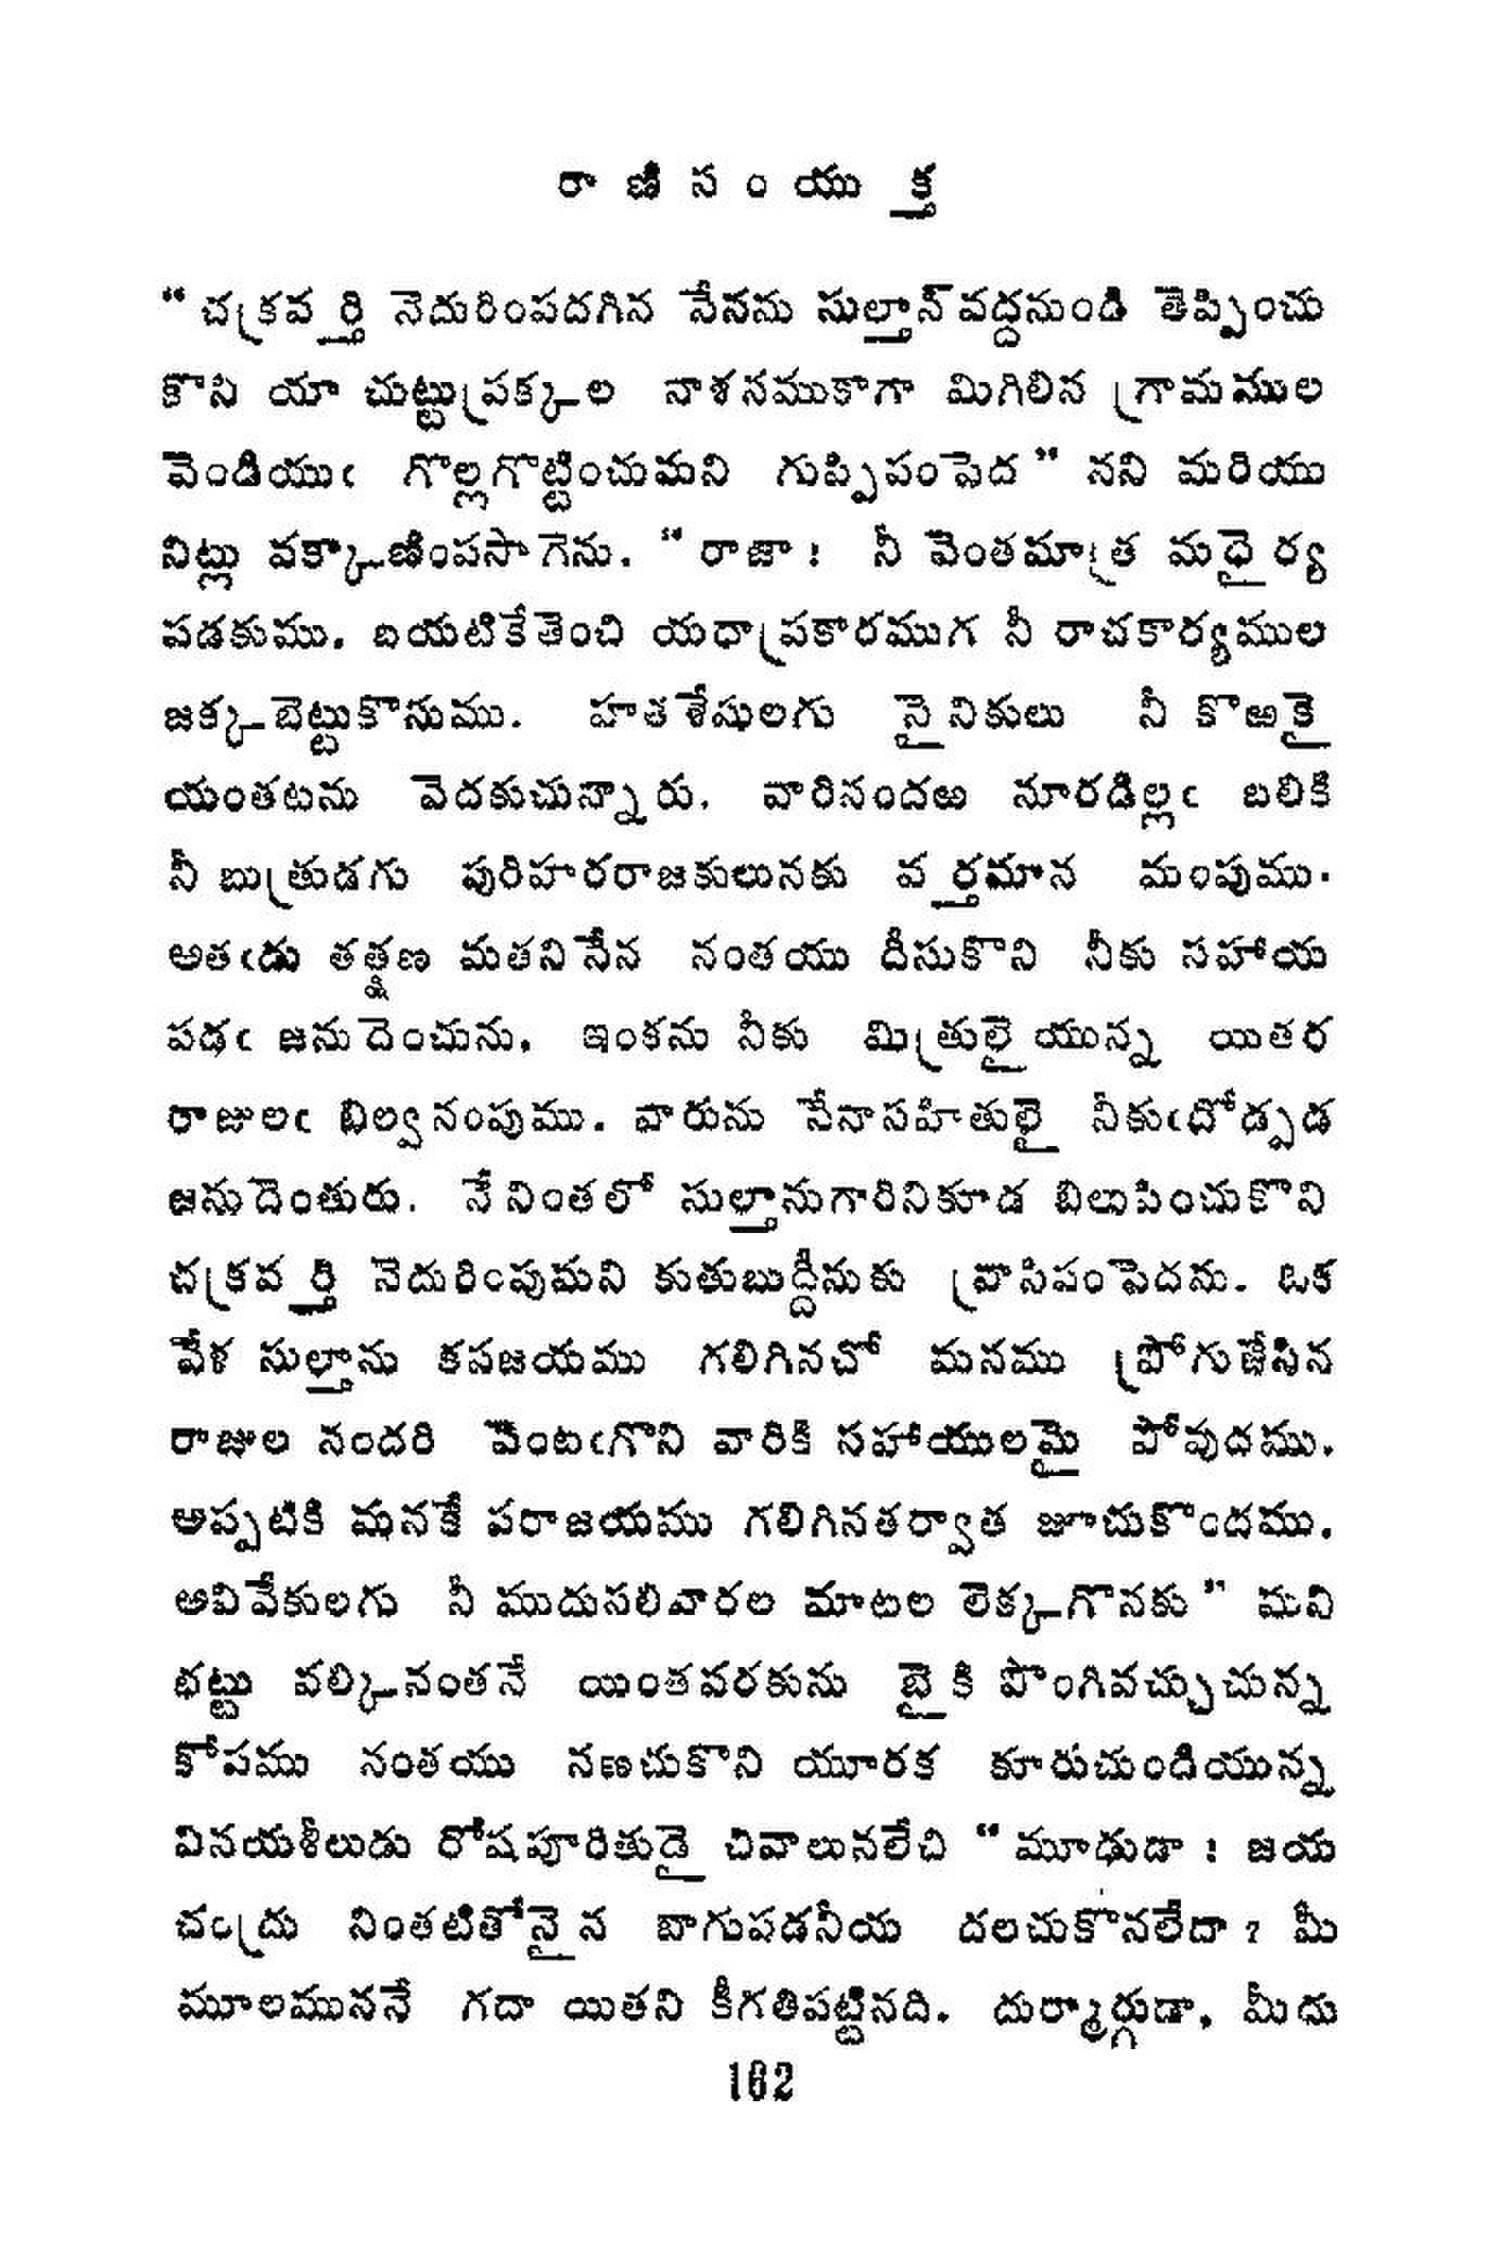“చక్రవర్తి నెదురింపదగిన నేనను సుల్తాన్ వద్దనుండి తెప్పించుకొని యా చుట్టుప్రక్కల నాశనముకాగా మిగిలిన గ్రామముల వెండియుఁ గొల్లగొట్టించుమని చెప్పిపంపెద" నని మరియు నిట్లు వక్కాణింపసాగేను. “రాజా! నీ వెంతమాత్ర మధైర్యపడకుము. బయటికేతెంచి యధాప్రకారముగ నీ రాచకార్యముల జక్కబెట్టుకొనుము. హతశేషులగు సైనికులు నీ కొఱకై యంతటను వెదకుచున్నారు. వారినందఱు నూరడిల్లఁ బలికి నీ బుత్రుడగు పరిహరరాజకులునకు వర్తమాన మంపుము . అతఁడు తత్క్షణ మతనిసేన నంతయు దీసుకొని నీకు సహాయపడఁ జనుదెంచును, ఇంకను నీకు మిత్రులై యున్న యితర రాజులఁ బిల్వనంపుము. వారును సేనాసహితులై నీకుఁదోడ్పడ జనుదెంతురు. నేనింతలో సుల్తానుగారినికూడ బిలుపించుకొని చక్రవర్తి నేదురింపుమని కుతుబుద్దీనుకు వ్రాసిపంపెదను. ఒకవేళ సుల్తాను కపజయము గలిగినచో మనము ప్రోగుజేసిన రాజుల నందరి వెంటఁగొని వారికి సహాయులమై పోవుదము. అప్పటికి మనకే పరాజయము గలిగిన తర్వాత జూచుకొందము. అవివేకులగు నీ ముదుసలివారల మాటల లెక్కగొనకు " మని భట్టు పల్కినంతనే యింతవరకును బైకి పొంగివచ్చుచున్న కోపము నంతయు నణచుకొని యూరక కూరుచుండియున్న వినయశీలుడు రోషపూరితుడై చివాలునలేచి " మూడుడా! జయచంద్రు నింతటితోనైన బాగుపడనీయ దలచుకొనలేదా? మీ మూలముననే గదా యితని కీగతిపట్టినది. దుర్మార్గుడా, మీదు